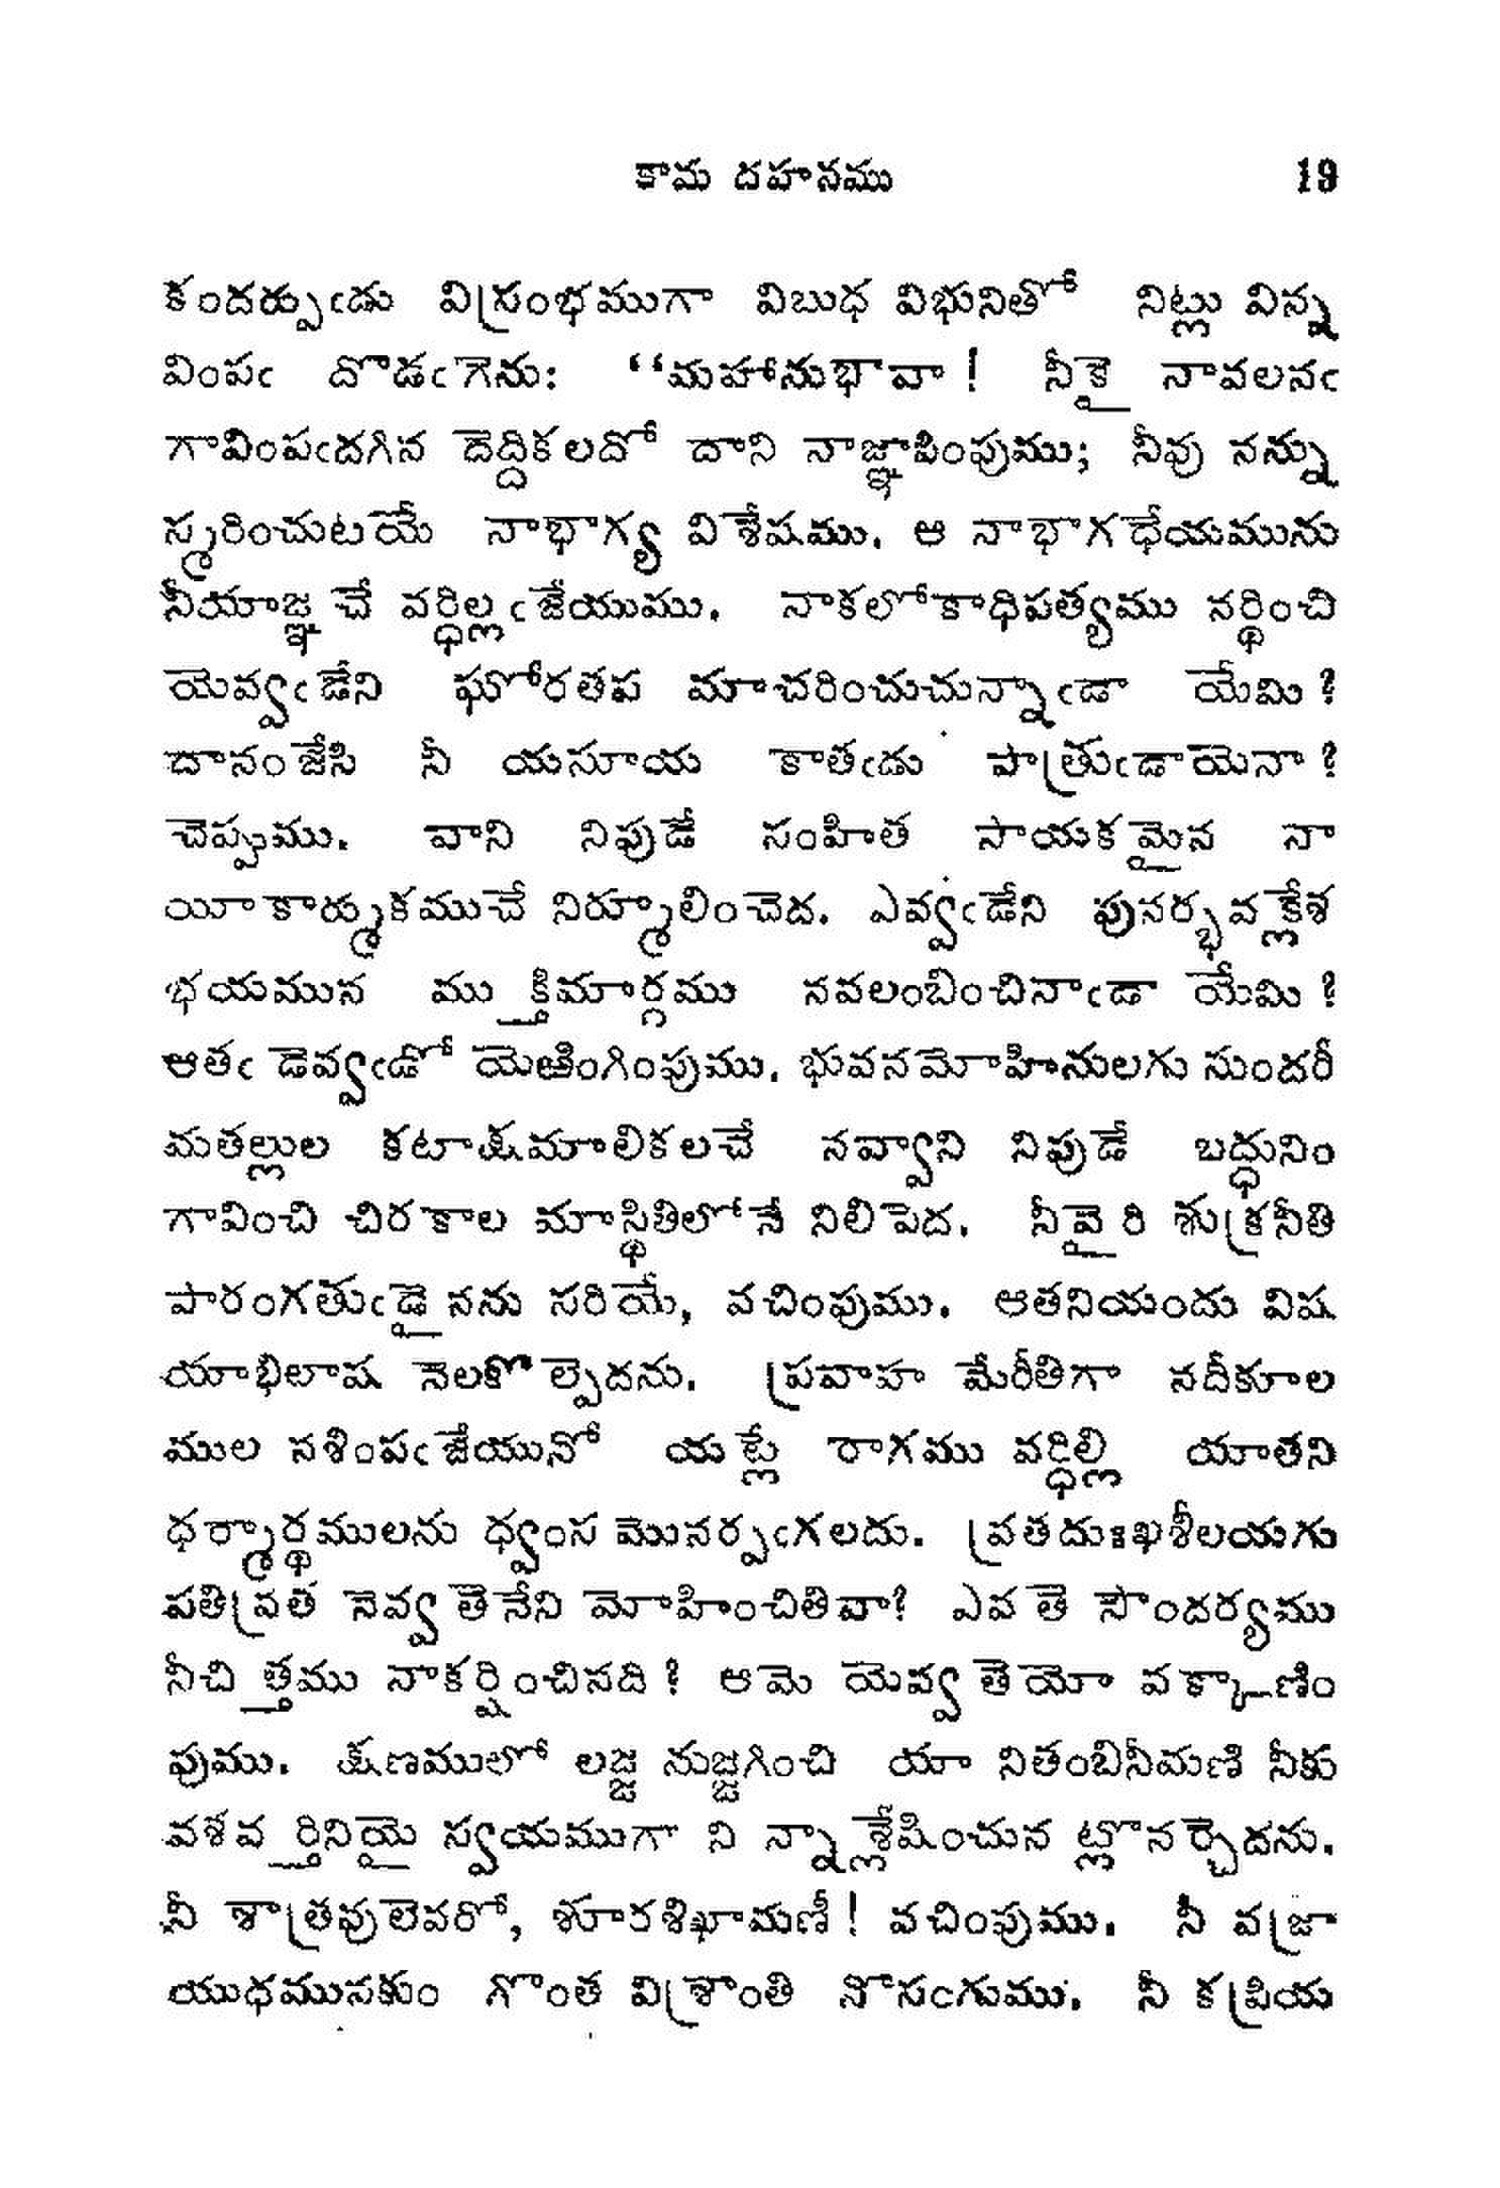కందర్పుఁడు విస్రంభముగా విబుధ విభునితో నిట్లు విన్నవింప దొడఁగెను : “మహానుభావా ! నీకై నావలనఁ గావింపఁదగిన దెద్దికలదో దాని నాజ్ఞాపింపుము; నీవు నన్ను స్మరించుటయే నాభాగ్య విశేషము, ఆ నాభాగధేయమును నీయాజ్ఞ చే వర్ధిల్లఁ జేయుము, నాకలోకాధిపత్యము నర్థించి యెవ్వఁడేని ఘోరతప మాచరించుచున్నాఁడా యేమి? దానం జేసి నీ యసూయ 'కాతఁడు' పాత్రుఁడాయెనా ?చెప్పుము. వాని నిపుడే సంహిత సాయకమైన నా యీ కార్ముకముచే నిర్మూలించెద. ఎవ్వఁడేని పునర్భవక్లేశ భయమున ముక్తిమార్గము నవలంబించినాఁడా యేమి ? ఆతఁ డెవ్వఁడో యెఱింగింపుము, భువనమోహినులగు సుందరీమతల్లుల కటాక్షమాలికలచే నవ్వాని నిపుడే బద్ధునిం గావించి చిరకాల మాస్థితిలోనే నిలిపెద, నీవైరి శుక్రనీతి
పారంగతుఁడై నను సరియే, వచింపుము. ఆతనియందు విషయాభిలాష నెలకొల్పెదను, ప్రవాహ మేరీతిగా నదీ కూల
ముల నశింపఁ జేయునో యట్లే రాగము వదిలి యాతని ధర్మార్థములను ధ్వంస మొనర్పఁగలదు. వ్రతదుఃఖశీలయగు
పతివ్రత నెవ్వ తెనేని మోహించితివా? ఎవతె సౌందర్యము నీచిత్తము నాకర్షించినది? ఆమె యెవ్వ తెయో వక్కాణింపుము. క్షణములో లజ్జ నుజ్జగించి యా నితంబినీమణి నీకు వశవర్తినియై స్వయముగా ని న్నాశ్లేషించున ట్లొనర్చెదను. నీ శాత్రవులెవరో, శూరశిఖామణీ! వచింపుము. నీ వజ్రాయుధమునకుం గొంత విశ్రాంతి నొసఁగుము, నీ కప్రియ